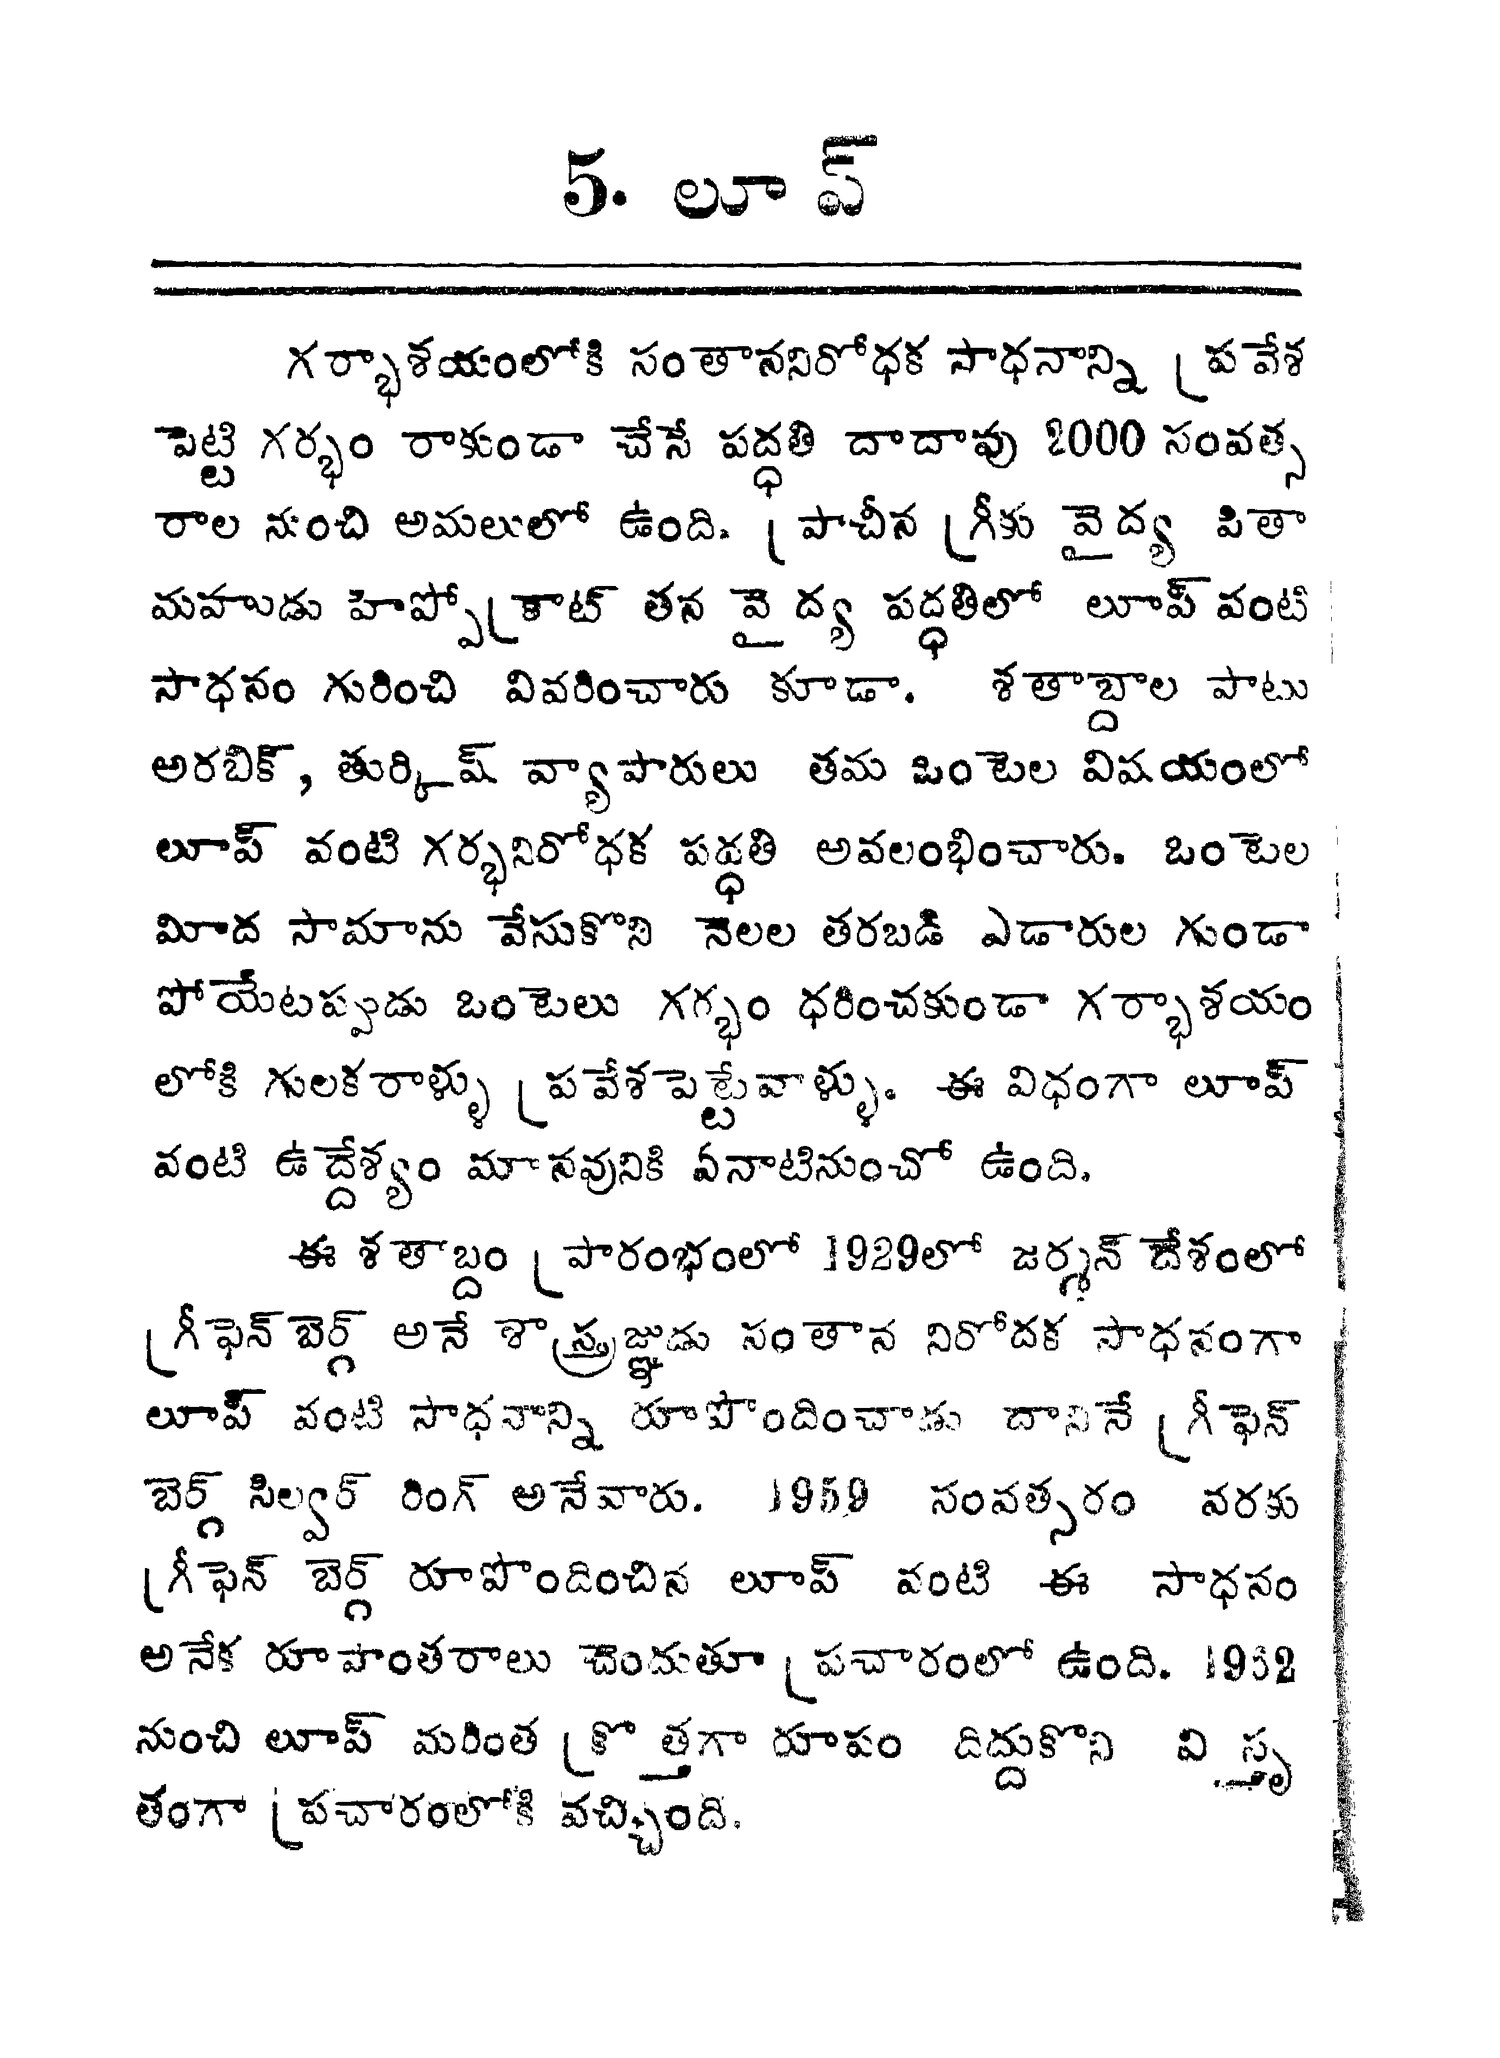గర్భాశయంలోకి సంతాననిరోధక సాధనాన్ని ప్రవేశాపెట్టి గర్భం రాకుండా చేసే పద్దతి దాదాపు 2000 సంవత్సరాల నుంచి అమలులో ఉంది. ప్రాచీన గ్రీకు వైద్య పితామహుడు హిప్పోక్రాట్ తన వైద్య పద్ధతిలో లూప్ వంటి సాధనం గురించి వివరించారు కూడా. శతాబ్ధాల పాటు అరబిక్, తుర్కిష్ వ్యాపారులు తమ ఒంటెల విషయంలో లూప్ వంటి గర్భనిరోధక పద్ధతి అవలంభించారు. ఒంటెల మీద సామాను వేసుకొని నలల తరబడి ఎడారుల గుండా పోయేటప్పుడు ఒంటెలు గర్భం ధరించకుండా గర్భాశయం లోకి గులకరాళ్ళు ప్రఫేశపెట్టేవాళ్ళు. ఈ విధంగా లూప్ వంటి ఉద్దేశ్యం మానవునికి ఏనాటినుంచో ఉంది.

ఈ శతాబ్దం ప్రారంభంలో 1929 లో జర్మన్ దేశంలో గ్రీఫెన్ బెర్గ్ అనే శాస్త్రజ్ఞుడు సంతాన నిరోధక సాధనంగా లూప్ వంటి సాధనాన్నిరూపొందించాడు దానినే గ్రీఫెన్ బెర్గ్ సిల్వర్ రింగ్ అనేవారు. 1959 సంవత్సరం వరకు గ్రీఫెన్ బెర్గ్ రూపొందించిన లూప్ వంటి ఈ సాధనం అనేక రూపాంతరాలు చెందుతూ ప్రచారంలో ఉంది. 1962 నుంచి లూప్ మరింత క్రొత్తగా రూపం దిద్దుకొని విస్తృతంగా ప్రచారంలోకి వచ్చింది.